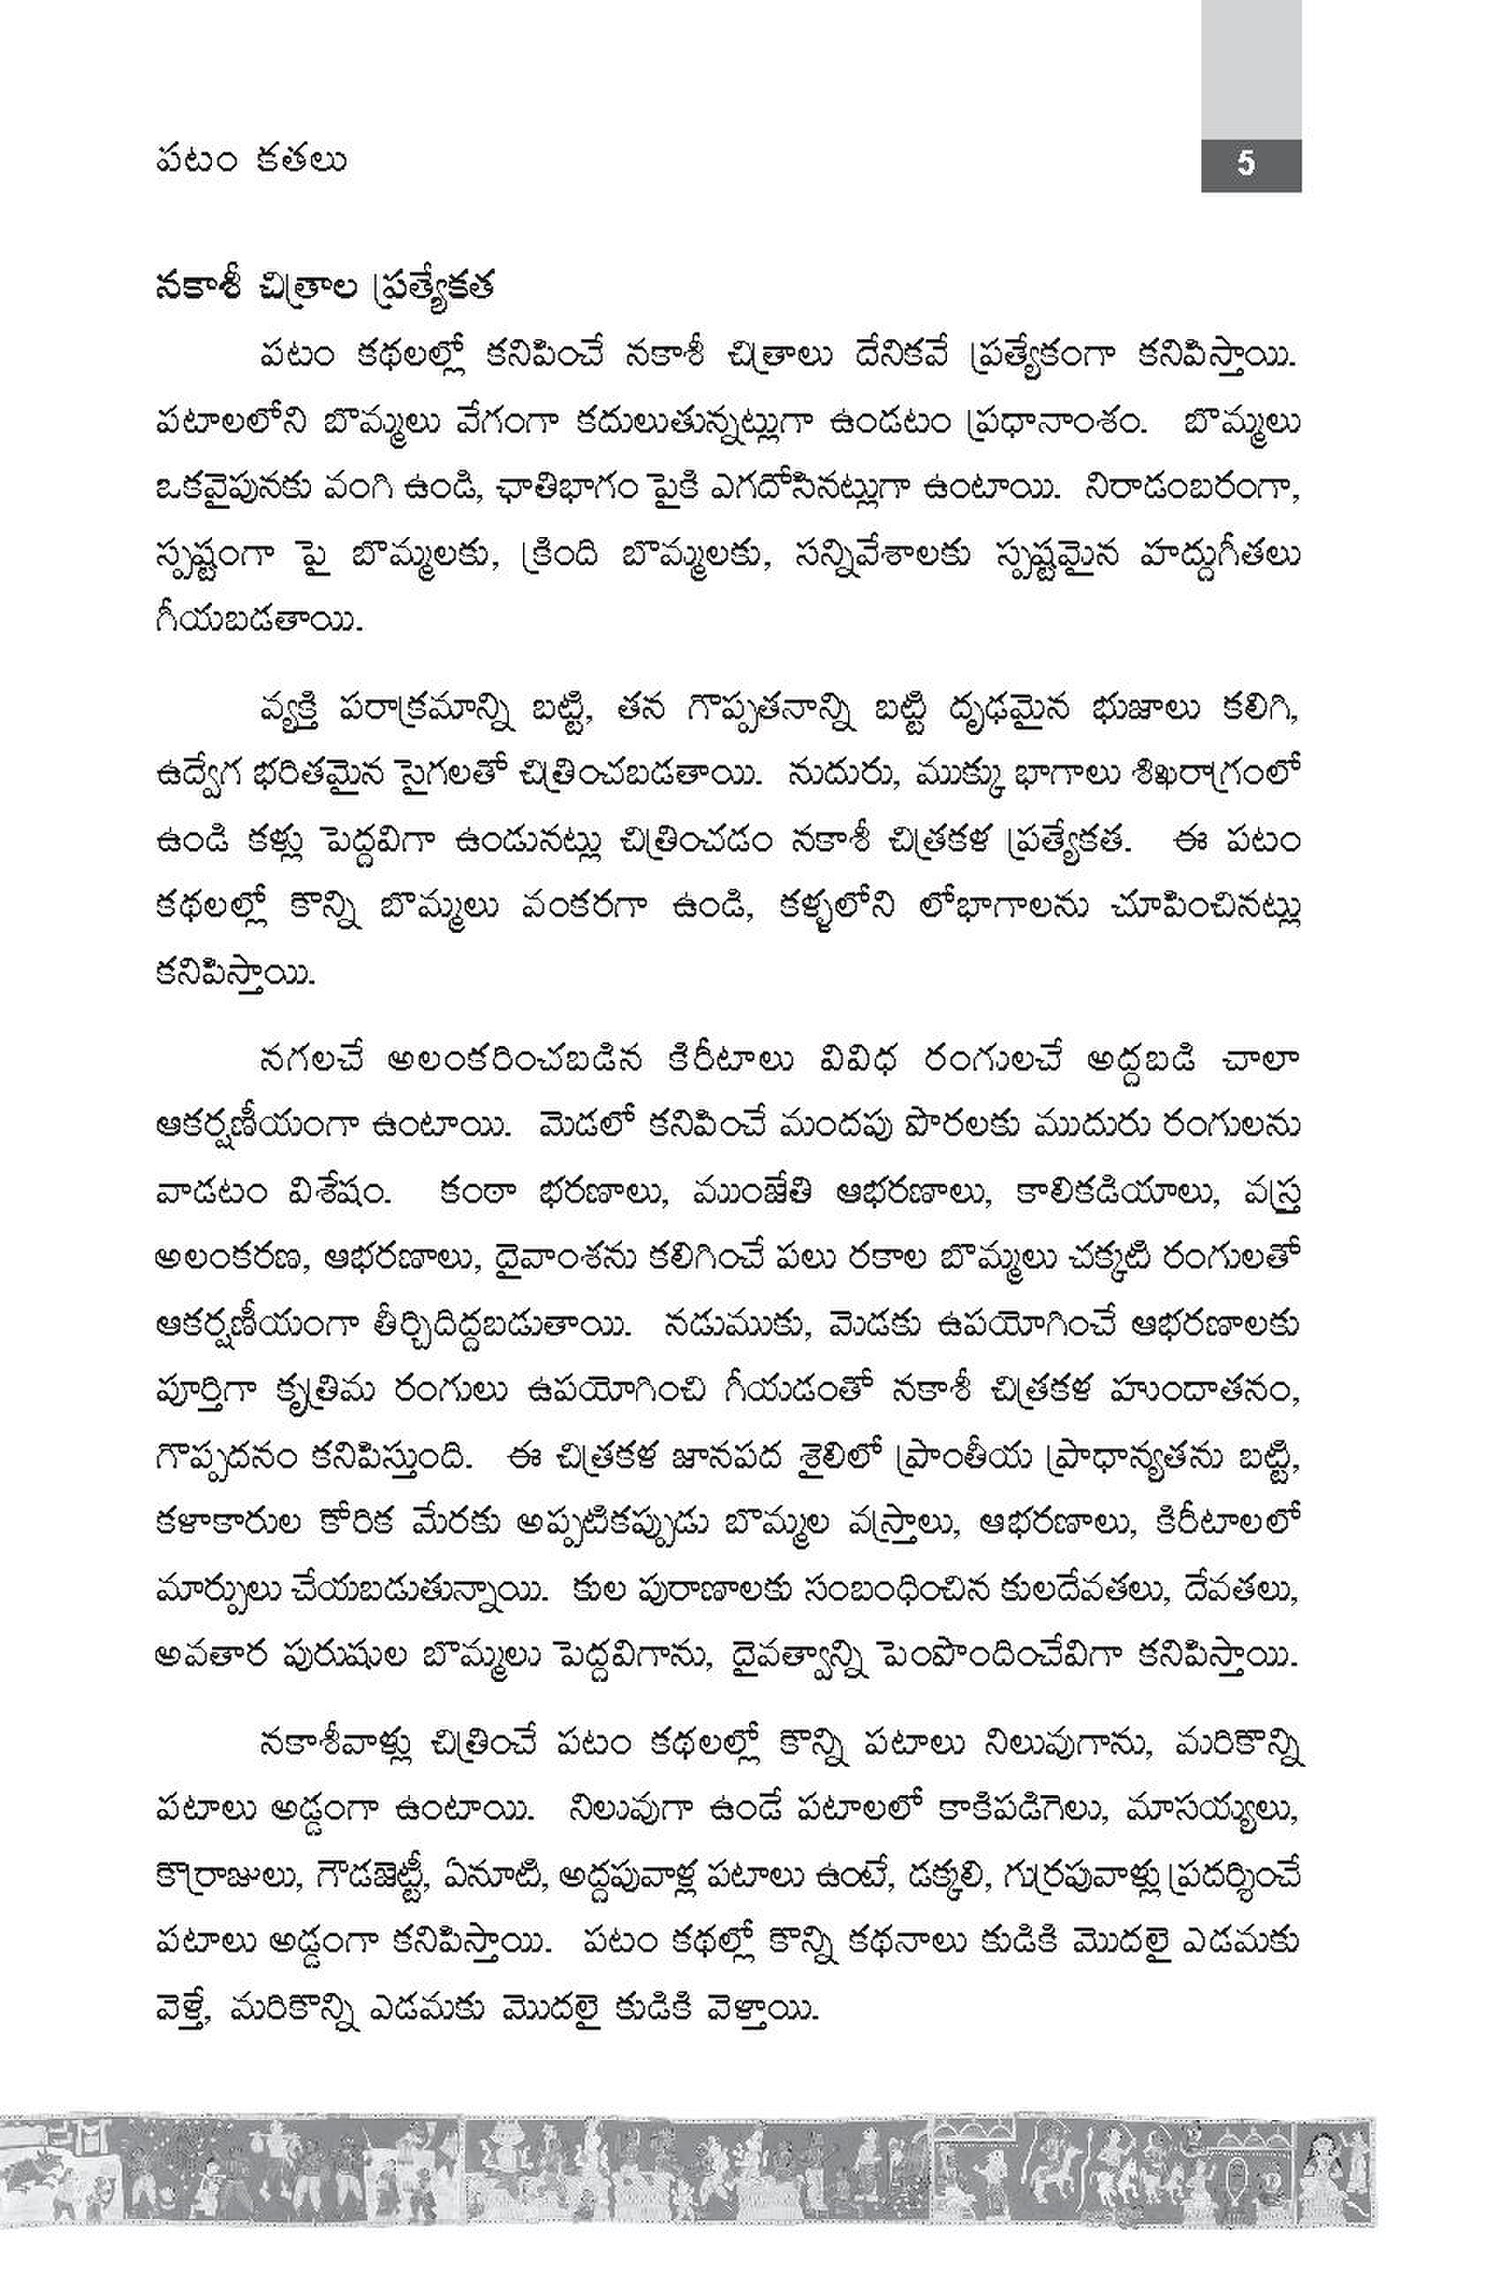నకాశీ చిత్రాల ప్రత్యేకత 

పటం కథలల్లో కనిపించే నకాశీ చిత్రాలు దేనికవే ప్రత్యేకంగా కనిపిస్తాయి. పటాలలోని బొమ్మలు వేగంగా కదులు తున్నట్లుగా ఉండటం ప్రధానాంశం. బొమ్మలు ఒకవైపునకు వంగి ఉండి, ఛాతిభాగం పైకి ఎగదోసినట్లుగా ఉంటాయి. నిరాడంబరంగా, స్పష్టంగా పై బొమ్మలకు, క్రింది బొమ్మలకు, సన్నివేశాలకు స్పష్టమైన హద్దుగీతలు గీయబడతాయి.

వ్యక్తి పరాక్రమాన్ని బట్టి, తన గొప్పతనాన్ని బట్టి దృఢమైన భుజాలు కలిగి, ఉద్వేగ భరితమైన సైగలతో చిత్రించ బడతాయి. నుదురు, ముక్కు భాగాలు శిఖరాగ్రంలో ఉండి కళ్లు పెద్దవిగా ఉండునట్లు చిత్రించడం నకాశీ చిత్రకళ ప్రత్యేకత. ఈ పటం కథలల్లో కొన్ని బొమ్మలు వంకరగా ఉండి, కళ్ళలోని లోభాగాలను చూపించినట్లు కనిపిస్తాయి.

నగలచే అలంకరించబడిన కిరీటాలు వివిధ రంగులచే అద్దబడి చాలా ఆకర్షణీయంగా ఉంటాయి. మెడలో కనిపించే మందపు పొరలకు ముదురు రంగులను వాడటం విశేషం. కంఠా భరణాలు, ముంజేతి ఆభరణాలు, కాలికడియాలు, వస్త్ర
అలంకరణ, ఆభరణాలు, దైవాంశను కలిగించే పలు రకాల బొమ్మలు చక్కటి రంగులతో ఆకర్షణీయంగా తీర్చిదిద్ద బడుతాయి. నడుముకు, మెడకు ఉపయోగించే ఆభరణాలకు పూర్తిగా కృత్రిమ రంగులు ఉపయోగించి గీయడంతో నకాశీ చిత్రకళ హుందాతనం, గొప్పదనం కనిపిస్తుంది. ఈ చిత్రకళ జానపద శైలిలో ప్రాంతీయ ప్రాధాన్యతను బట్టి, కళాకారుల కోరిక మేరకు అప్పటికప్పుడు బొమ్మల వస్త్రాలు, ఆభరణాలు, కిరీటాలలో మార్పులు చేయబడుతున్నాయి. కుల పురాణాలకు సంబంధించిన కులదేవతలు, దేవతలు, అవతార పురుషుల బొమ్మలు పెద్దవిగాను, దైవత్వాన్ని పెంపొందించేవిగా కనిపిస్తాయి.

నకాశీవాళ్లు చిత్రించే పటం కథలల్లో కొన్ని పటాలు నిలువుగాను, మరికొన్ని పటాలు అడ్డంగా ఉంటాయి. నిలువుగా ఉండే పటాలలో కాకిపడిగెలు, మాసయ్యలు, కొర్రాజులు, గౌడజెట్టీ, ఏనూటి, అద్దపువాళ్ల పటాలు ఉంటే, డక్కలి, గుర్రపువాళ్లు ప్రదర్శించే పటాలు అడ్డంగా కనిపిస్తాయి. పటం కథల్లో కొన్ని కథనాలు కుడికి మొదలై ఎడమకు వెళ్తే, మరికొన్ని ఎడమకు మొదలై కుడికి వెళ్తాయి.